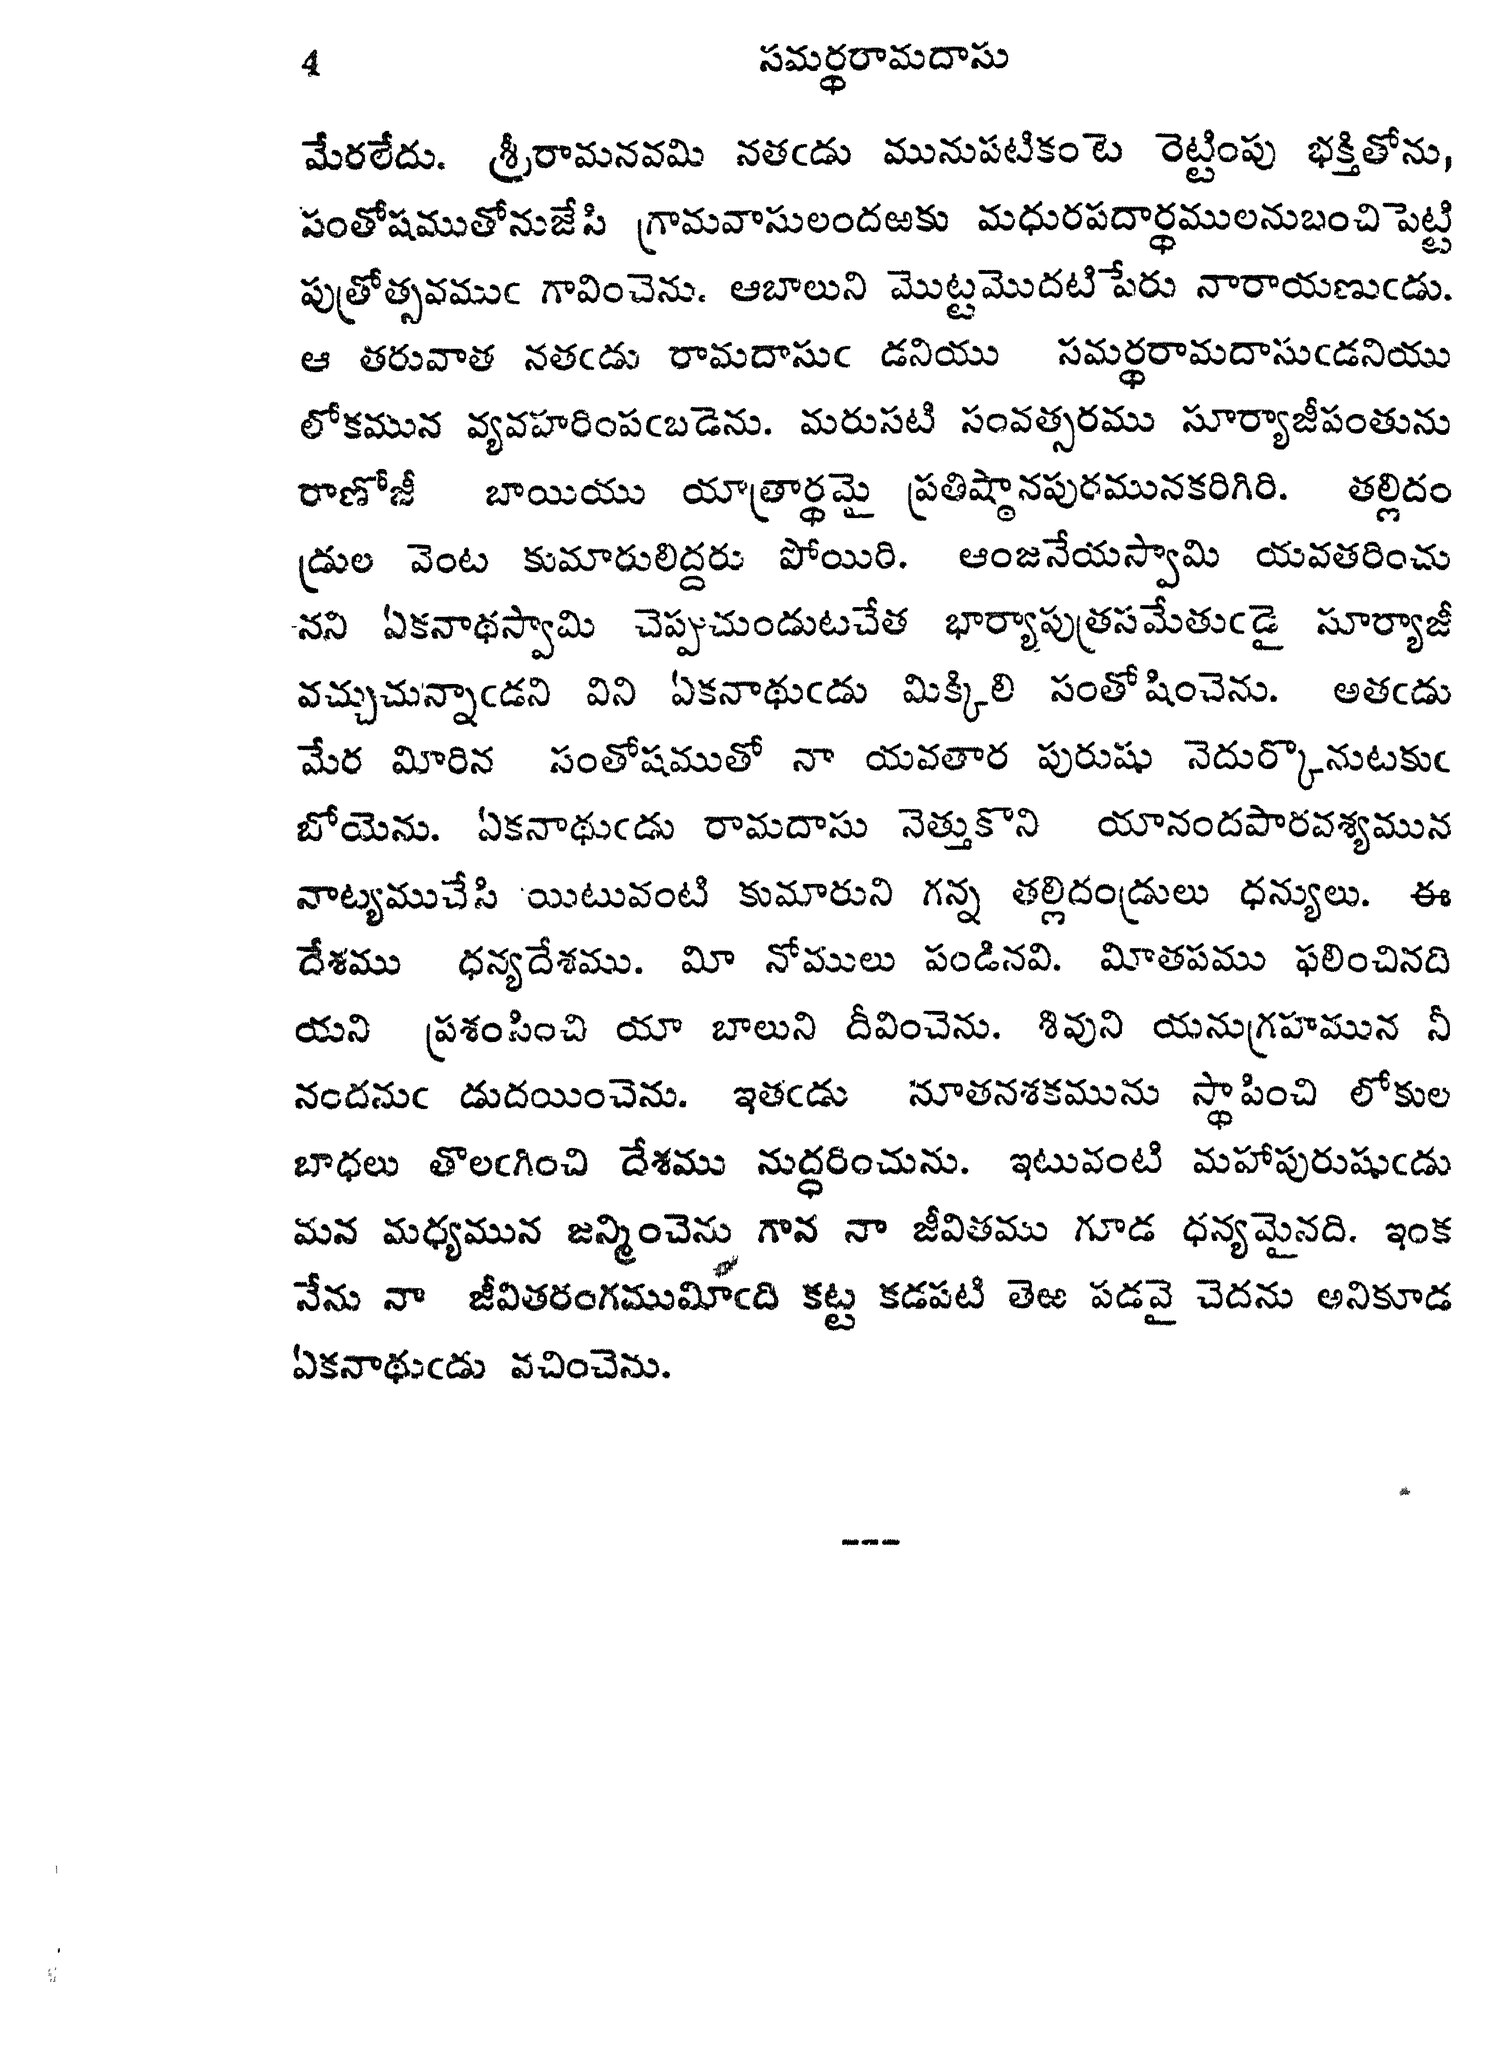మేరలేదు. శ్రీరామనవమి నతుడు మునుపటికంటె రెట్టింపు భక్తితోను, సంతోషముతోనుజేసి గ్రామవాసులందఱకు మధురపదార్థములనుబంచి పెట్టి పుత్రోత్సవము గావించెను. ఆబాలుని మొట్టమొదటి పేరు నారాయణుడు. ఆ తరువాత నతడు రామదాసు డనియు సమర్థరామదాసు డనియు లోకమున వ్యవహరింపబడెను. మరుసటి సంవత్సరము సూర్యాజీవంతును రాణోజీ బాయియు యాత్రార్థమై ప్రతిష్ఠానపురమునకరిగిరి. తల్లిదండ్రుల వెంట కుమారులిద్దరు పోయిరి. ఆంజనేయస్వామి యవతరించునని ఏకనాథస్వామి చెప్పుచుండుటచేత భార్యాపుత్రసమేతుడై సూర్యాజీ వచ్చుచున్నాడని విని ఏకనాథుడు మిక్కిలి సంతోషించెను. అతడు మేర మీరిన సంతోషముతో నా యవతార పురుషు నెదుర్కొనుటకు బోయెను. ఏకనాథుడు రామదాసు నెత్తుకొని యానందపారవశ్యమున నాట్యముచేసి యిటువంటి కుమారుని గన్న తల్లిదండ్రులు ధన్యులు. ఈ దేశము ధన్యదేశము. మీ నోములు పండినవి. మీతపము ఫలించినది యని ప్రశంసించి యా బాలుని దీవించెను. శివుని యనుగ్రహమున నీ నందను డుదయించెను. ఇతడు నూతనశకమును స్థాపించి లోకుల బాధలు తొలగించి దేశము నుద్దరించెను. ఇటువంటి మహాపురుషుడు మనమధ్యమున జన్మించెను గాన నా జీవితము గూడ ధన్యమైనది. ఇంక నేను నా జీవితరంగముమీది కట్ట కడపటి తెఱ పడవై చెదను అనికూడ ఏకనాథుడు వచించెను.

_______